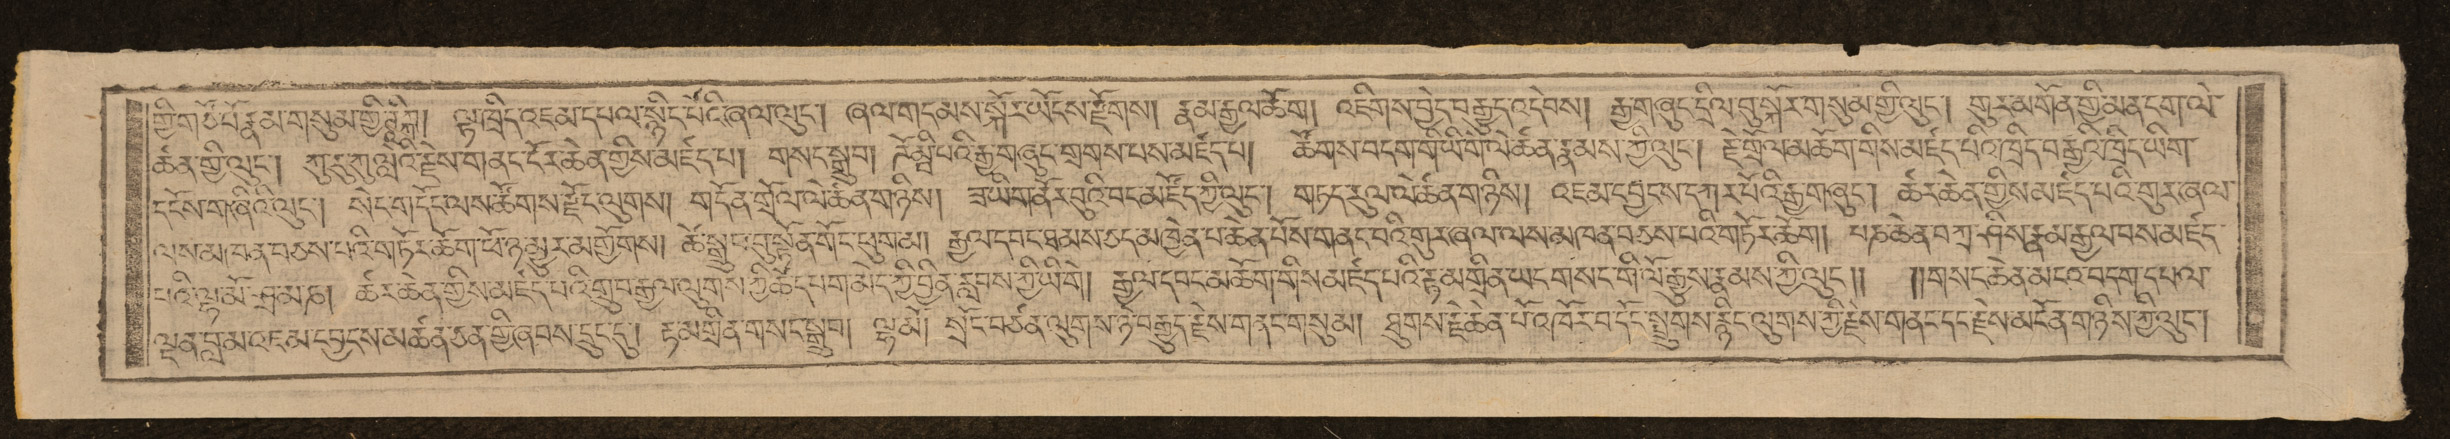གྱི་གཙོ་བོ་རྣམ་གསུམ་གྱི་ཊཱིཀྐ། ལྟ་ཁྲིད་འཇམ་དཔལ་སྙིང་པོའི་ཞལ་ལུང་། ཞལ་གདམས་སྐོར་ཡོངས་རྫོགས། རྣམ་རྒྱལ་ཆོ་ག། འཇིགས་བྱེད་བརྒྱུད་འདེབས། རྒྱ་གཞུང་དྲིལ་བུ་སྐོར་གསུམ་གྱི་ལུང་། གུར་མགོན་གྱི་མན་ངག་ལེ་
ཚན་གྱི་ལུང་། ཀུ་རུ་ཀུ་ལླེའི་རྗེས་གནང་ངོར་ཆེན་གྱིས་མཛད་པ། གསང་སྒྲུབ། ཌོམྦི་པའི་རྒྱ་གཞུང་གྲགས་པས་མཛད་པ། ཚོགས་བདག་གི་ཡི་གེ་ལེ་ཚན་རྣམས་ཀྱི་ལུང་། རྗེ་གྲོལ་མཆོག་གིས་མཛད་པའི་ཁྲིད་བརྒྱའི་ཁྲིད་ཡིག་
དངོས་གཞིའི་ལུང་། སེང་གདོང་ལས་ཚོགས་རྫོང་ལུགས། གདོན་གྲོལ་ལེ་ཚན་གཉིས། ཟ་ཡིག་ནོར་བུའི་བང་མཛོད་ཀྱི་ལུང་། གཏད་རུལ་ལེ་ཚན་གཉིས། འཇམ་དབྱངས་དཀར་པོའི་རྒྱ་གཞུང་། ཚར་ཆེན་གྱིས་མཛད་པའི་གུར་ཞལ་
ལས་མཁན་བཅས་པའི་གཏོར་ཆོག་ཕོ་ཉ་མྱུར་མགྱོགས། ཆོ་སྒྲུབ་བུ་སྟོན་གོང་ཕུག་མ། རྒྱལ་དབང་ཐམས་ཅད་མཁྱེན་པ་ཆེན་པོས་གནང་བའི་གུར་ཞལ་ལས་མཁན་བཅས་པའི་གཏོར་ཆོག། པཎ་ཆེན་བཀྲ་ཤིས་རྣམ་རྒྱལ་བས་མཛད་
པའི་ལྷ་མོ་ཤྲ་མ་ཎ། ཚར་ཆེན་གྱིས་མཛད་པའི་གྲུབ་རྒྱལ་ལུགས་ཀྱི་ཚེ་དཔག་མེད་ཀྱི་བྱིན་རླབས་ཀྱི་ཡི་གེ། རྒྱལ་དབང་མཆོག་གིས་མཛད་པའི་རྟ་མགྲིན་ཡང་གསང་གི་ལོ་རྒྱུས་རྣམས་ཀྱི་ལུང།། །།གསང་ཆེན་མངའ་བདག་དཔལ་
ལྡན་བླ་མ་འཇམ་དབྱངས་མཚན་ཅན་གྱི་ཞབས་དྲུང་དུ། རྟ་མགྲིན་གསང་སྒྲུབ། ལྷ་མོ། སྲོང་བཙན་ལུགས་ཉེ་བརྒྱུད་རྗེས་གནང་གསུམ། ཐུགས་རྗེ་ཆེན་པོ་འཁོར་བ་དོང་སྤྲུགས་རྙིང་ལུགས་ཀྱི་རྗེས་གནང་དང་རྗེས་མངོན་གཉིས་ཀྱི་ལུང་།